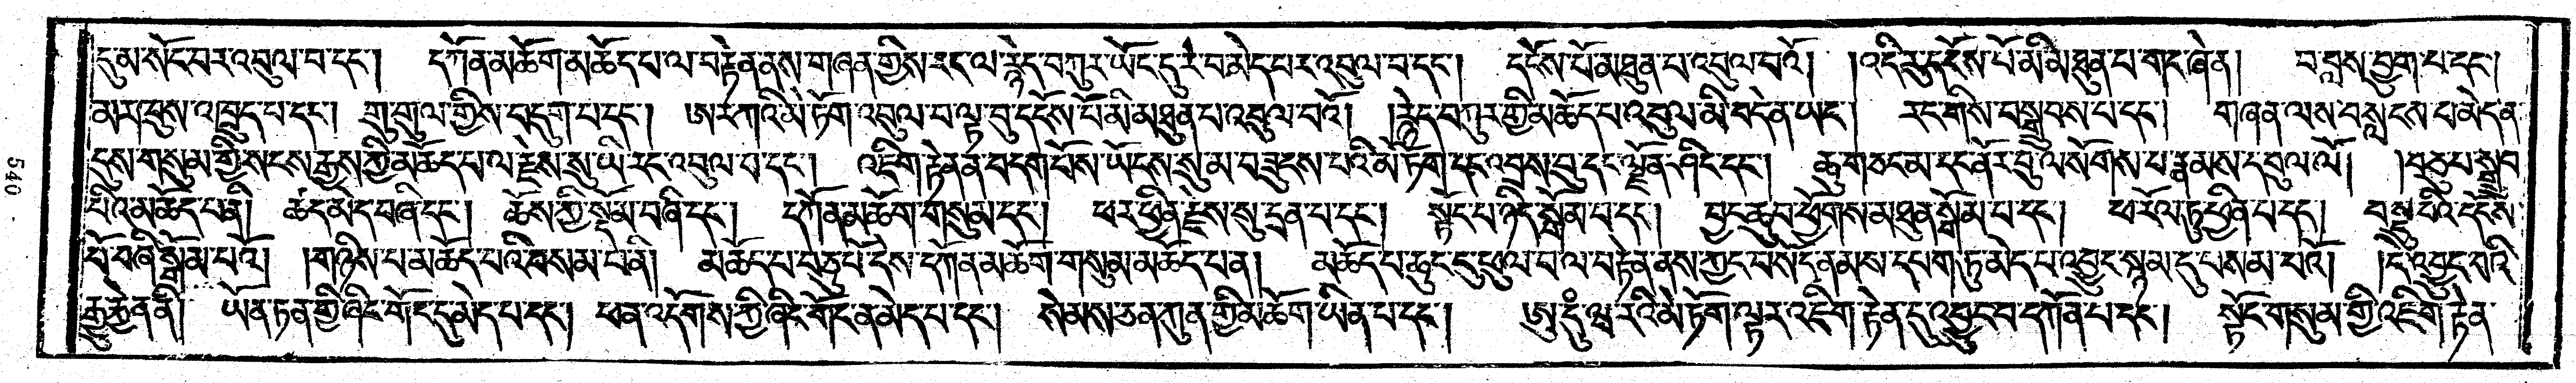དུ་མ་སོང་བར་འབུལ་བ་དང་། དཀོན་མཆོག་མཆོད་པ་ལ་བརྟེན་ནས་གཞན་གྱིས་རང་ལ་རྙེད་བཀུར་ཡོང་དུ་རེ་བ་མེད་པར་འབུལ་བ་དང་། དངོས་པོ་མཐུན་པ་འབུལ་བའོ། །འདི་རུ་དངོས་པོ་མི་མཐུན་པ་གང་ཞེ་ན། བ་བླས་བྱུག་པ་དང་།
མར་ཁུས་འཁྲུད་པ་དང་། གུ་གུལ་གྱིས་བདུག་པ་དང་། ཨར་ཀའི་མེ་ཏོག་འབུལ་བ་ལྟ་བུ་དངོས་པོ་མི་མཐུན་པ་འབུལ་བའོ། །རྙེད་བཀུར་གྱི་མཆོད་པ་འབུལ་མི་བདེན་ཡང་། རང་གིས་བསྒྲུབས་པ་དང་། གཞན་ལས་བསླངས་པ་མེད་ན་
དུས་གསུམ་གྱི་སངས་རྒྱས་ཀྱི་མཆོད་པ་ལ་རྗེས་སུ་ཡི་རང་འབུལ་བ་དང་། འཇིག་རྟེན་བདག་པོས་ཡོངས་སུ་མ་བཟུངས་པའི་མེ་ཏོག་དང་འབྲས་བུ་དང་ལྗོན་ཤིང་དང་། ཆུ་གཅང་མ་དང་ནོར་བུ་ལ་སོགས་པ་རྣམས་དབུལ་ལོ། །བཅུ་པ་སྒྲུབ་
པའི་མཆོད་པ་ནི། ཚད་མེད་བཞི་དང་། ཆོས་ཀྱི་སྡོམ་བཞི་དང་། དཀོན་མཆོག་གསུམ་དང་། ཕར་ཕྱིན་རྗེས་སུ་དྲན་པ་དང་། སྟོང་པ་ཉིད་སྒོམ་པ་དང་། བྱང་ཆུབ་ཕྱོགས་མཐུན་སྒོམ་པ་དང་། ཕ་རོལ་ཏུ་ཕྱིན་པ་དང་། བསྡུ་བའི་དངོས་
པོ་བཞི་སྒོམ་པའོ། །གཉིས་པ་མཆོད་པའི་བསམ་པ་ནི། མཆོད་པ་བཅུ་པོ་དེས་དཀོན་མཆོག་གསུམ་མཆོད་པ་ན། མཆོད་པ་ཆུང་དུ་ཕུལ་བ་ལ་བརྟེན་ནས་ཀྱང་བསོད་ནམས་དཔག་ཏུ་མེད་པ་འབྱུང་སྙམ་དུ་བསམ་པའོ། །དེ་འབྱུང་བའི་
རྒྱུ་རྐྱེན་ནི། ཡོན་ཏན་གྱི་ཞིང་གོང་དུ་མེད་པ་དང་། ཕན་འདོགས་ཀྱི་ཞིང་གོང་ན་མེད་པ་དང་། སེམས་ཅན་ཀུན་གྱི་མཆོག་ཡིན་པ་དང་། ཨུ་དུཾ་ཝ་རའི་མེ་ཏོག་ལྟར་འཇིག་རྟེན་དུ་འབྱུང་བ་དཀོན་པ་དང་། སྟོང་གསུམ་གྱི་འཇིག་རྟེན་